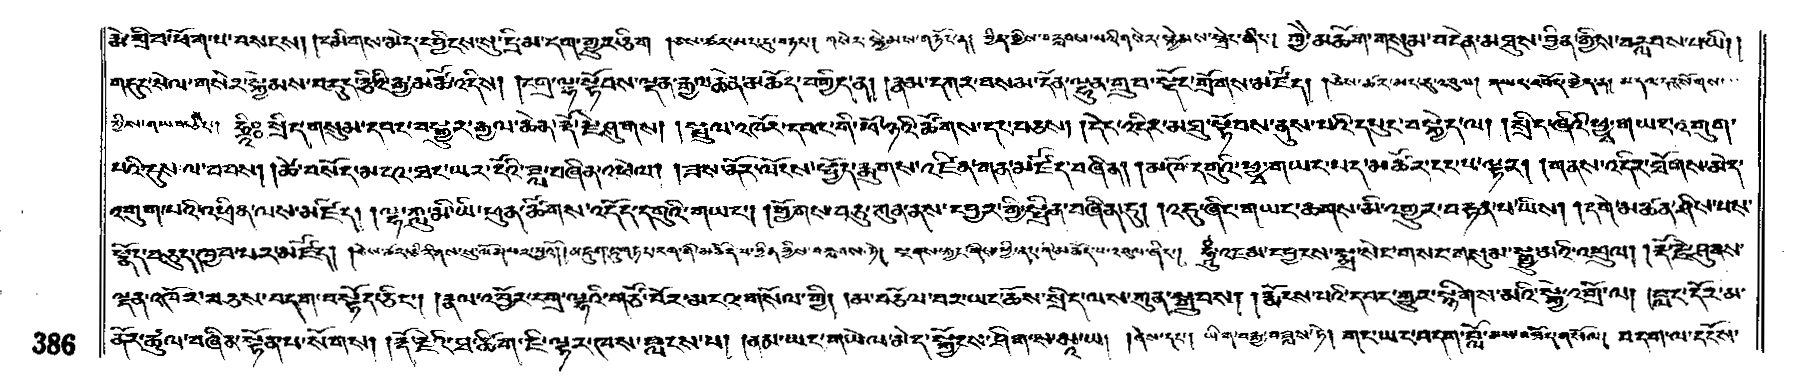རྨེ་གྲིབ་ཕོག་པ་བསངས། །དམིགས་མེད་དབྱིངས་སུ་དྲི་མ་དག་གྱུར་ཅིག ། ཅས་ཚར་མང་དུ་བཏང་། གསེར་སྐྱེམས་གཏོང་ན། བྱིན་གྱིས་བརླབས་པའི་གསེར་སྐྱེམས་སྦྲེང་ཞིང་།  ཀྱཻ་མཆོག་གསུམ་བདེན་མཐུས་བྱིན་གྱིས་བརླབས་པ་ཡི།།
གདུང་སེལ་གསེར་སྐྱེམས་བདུད་རྩིའི་རྒྱ་མཚོ་འདིས། །དགྲ་ལྷ་སྟོབས་ལྡན་རྒྱལ་ཆེན་མཆོད་བགྱིད་ན། །རྣམ་དཀར་བསམ་དོན་ལྷུན་གྲུབ་སྡོང་གྲོགས་མཛོད། །ཅེས་ཚར་མང་དུ་འབུལ། གཡང་འབོད་བྱེད་ན། མདའ་དར་སོགས་
ཀྱིས་གཡབ་ཅིང་། ཧྲཱིཿ སྲིད་གསུམ་དབང་བསྒྱུར་རྒྱལ་ཆེན་རྡོ་རྗེ་ཤུགས། །སྤྲུལ་འཁོར་དབང་གི་ཕོ་ཉའི་ཚོགས་དང་བཅས། །ངེད་འདིར་མཐུ་སྟོབས་ནུས་པའི་དཔུང་བསྐྱེད་ལ། །སྲིད་ཞིའི་ཕྱྭ་གཡང་འགུག་
པའི་དུས་ལ་བབས། །ཚེ་བསོད་མངའ་ཐང་ཡར་ངོའི་ཟླ་བཞིན་འཕེལ། །ཟས་ནོར་ལོངས་སྤྱོད་ཆུགས་འཛིན་གན་མཛོད་བཞིན། །ཁོ་དགུའི་ཕྱྭ་གཡང་པད་མཚོར་དང་པ་ལྟར། །གནས་འདིར་ཐོགས་མེད་
འགུག་པའི་འཕྲིན་ལས་མཛད། ལྷ་ཀླུ་མི་ཡི་ཕུན་ཚོགས་འདོད་དགུའི་གཡང་། །ཕྱོགས་བཅུ་ཀུན་ནས་དབྱར་གྱི་སྤྲིན་བཞིན་དུ། །འདུ་ཞིང་གཡང་ཆགས་མི་འགྱུར་བརྟན་པ་ཡིས། །དགེ་མཚན་ཤིས་པས་
སྣོད་བཅུད་ཁྱབ་པར་མཛོད། །ཅེས་ཚར་ཅི་རིགས་སུ་ལོན་པར་བྱའོ། །མཇུག་ཏུ་གཏང་རག་གི་མཆོད་པ་བྱིན་ཀྱིས་བརླབས་ཏེ། སྔགས་རྐྱང་ཞེས་ཕྱི་ནང་གི་མཆོད་པ་འབུལ་ཞིང་།  ཧཱུཾ་འཇམ་དབྱངས་སྨྲ་སེང་གསང་གསུམ་སྒྱུ་མའི་འཕྲུལ། །རྡོ་རྗེ་ཤུགས་
ལྡན་འཁོར་བཅས་བདག་བསྟོད་ཅིང་། །རྣལ་འབྱོར་དགྲ་ལྷའི་གཙོ་བོར་མངའ་གསོལ་གྱི། །མ་བཅོལ་བར་ཡང་ཆོས་སྲིད་ལས་ཀུན་སྒྲུབས། །རྨོངས་པའི་དབང་གྱུར་སྙིགས་མའི་སྐྱེ་འགྲོ་ལ། །བླང་དོར་མ་
ནོར་ཚུལ་བཞིན་སྟོན་པ་སོགས། །རྡོ་རྗེའི་ཐ་ཚིག་ཇི་ལྟར་ཁས་བླངས་པ། །ནམ་ཡང་གཡེལ་མེད་སྐྱོངས་ཤིག་ས་མཱ་ཡ། །ཞེས་དང་། ཡིག་བརྒྱ་བཟླས་ཏེ།  གང་ཡང་བདག་བློ་མས་བཟོད་གསོལ།  བདག་ལ་དངོས་